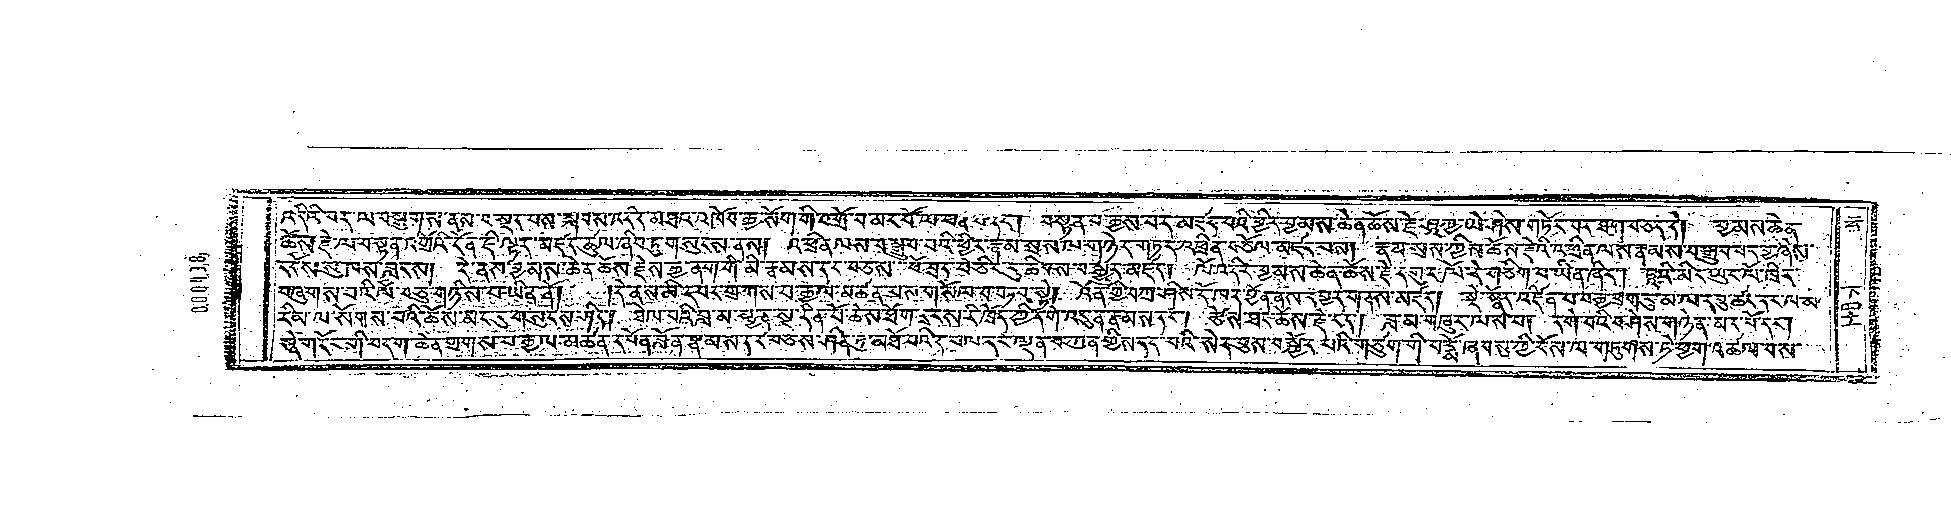འདིའི་བར་ལ་བསྒུགས་ནས་བསྡང་པས་སྐབས་འདིར་མཐའ་འཁོབ་རྒྱ་སོག་གི་འགྲོ་བ་མང་བོ་ལ་ཕན་བ་དང་། བསྟན་བ་རྒྱས་བར་མཛད་བའི་ཕྱིར་བྱམས་ཆེན་ཆོས་རྗེ་ཤཱཀྱ་ཡེ་ཤེས་གཏོར་བར་ཐག་བཅད་དེ། བྱམས་ཆེན་
ཆོས་རྗེ་ལ་བསྟན་འགྲོའི་དོན་ཇི་ལྟར་མཛད་ཚུལ་ཞིབ་ཏུ་གསུངས་ནས། འཕྲིན་ལས་བསྒྲུབ་པའི་ཕྱིར་རྣམས་སྲས་ལ་གཉེར་གཏད་འཕྲིན་བཅོལ་མཛད་པས། རྣམ་སྲས་ཀྱིས་ཆོས་རྗེའི་འཕྲིན་ལས་རྣམས་བསྒྲུབ་པར་བྱ་ཞེས་
དངོས་སུ་ཁས་བླངས། དེ་ནས་བྱམས་ཆེན་ཆོས་རྗེས་རྒྱ་ནག་གི་མི་རྣམས་དང་བཅས་ཕོ་བྲང་བེ་ཅིང་དུ་ཆིབས་བརྒྱུད་མཛད། ལོ་འདིར་བྱམས་ཆེན་ཆོས་རྗེ་དགུང་ལོ་རེ་གཅིག་པ་ཡིན་ཞིང་། ཏཱའི་མིང་ཡུང་ལོ་ཁྲིར་
བཞུགས་པའི་ལོ་བཅུ་གཉིས་པ་ཡིན་ནོ། །དེ་ནས་མི་དབང་གྲགས་པ་རྒྱལ་མཚན་པས་གསོལ་བ་བཏབ་སྟེ། འོན་གྱི་བཀྲ་ཤིས་དོ་ཁར་བྱོན་ནས་དབྱར་གནས་མཛད། སྡེ་སྣོད་འཛིན་པ་བརྒྱ་ཕྲག་དུ་མ་ལ་དབུ་ཚང་དང་ལ་མ་
རིམ་ལ་སོགས་པའི་ཆོས་མང་དུ་གསུངས་ཤིང་། ཐེལ་བའི་བླ་མ་སྤྱན་སྔ་རིན་པོ་ཆེས་ཐོག་དྲངས་རི་ཁྲིད་ཀྱི་དགེ་འདུན་རྣམས་དང་། རྩེ་ཐང་ཆོས་རྗེ་དང་། བླ་མ་གཞུང་ལས་པ། དགེ་བའི་བཤེས་གཉེན་མང་པོ་དང་།
སྣེ་གདོང་གི་བདག་ཆེན་གྲགས་པ་རྒྱལ་མཚན་དཔོན་བློན་རྣམས་དང་བཅས་ཤིན་ཏུ་མཐོ་བའི་དཔལ་དང་ལྡན་བ་ཀུན་གྱིས་དད་པའི་སེར་བུས་བསྐྱོད་པའི་གཙུག་གི་པདམོ་ཞབས་ཀྱི་ངོས་ལ་གཏུགས་ཏེ་ཕྱག་འཚལ་བས་